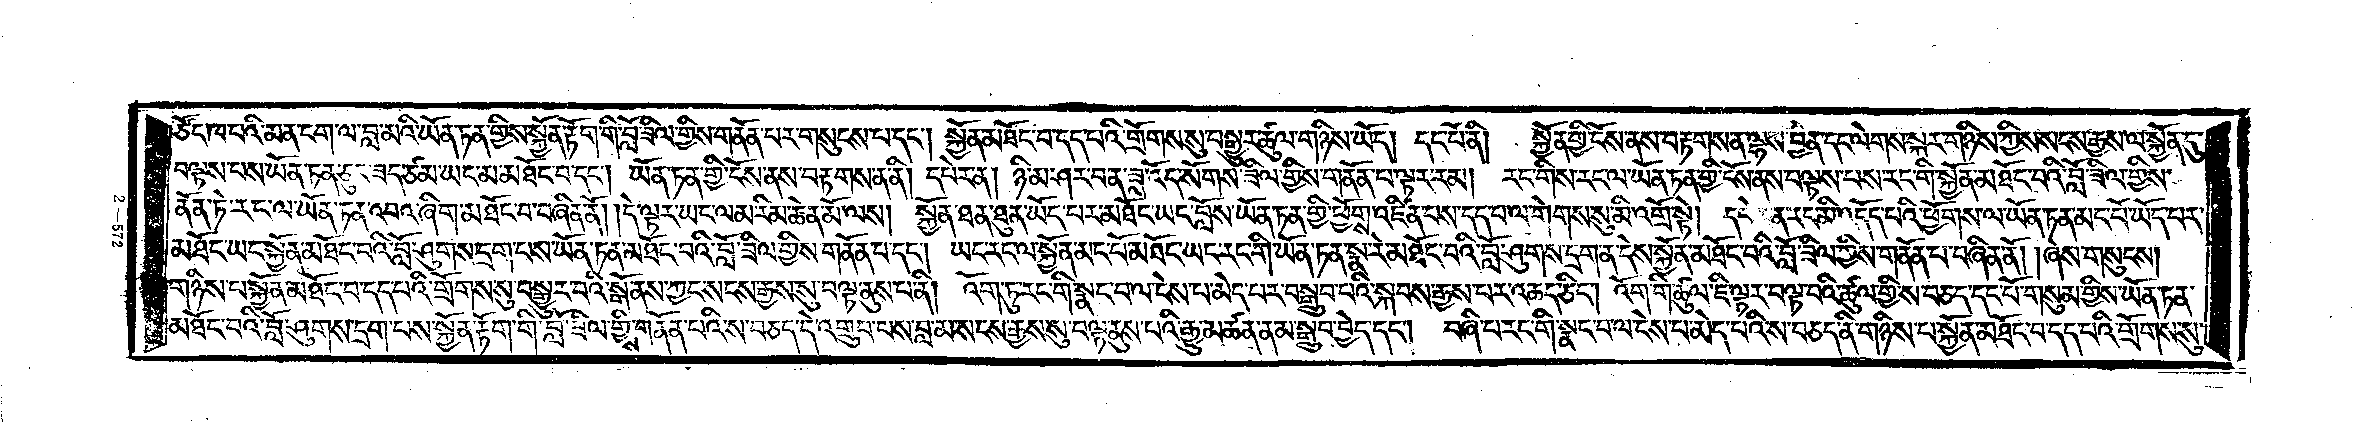ཙོང་ཁ་པའི་མན་ངག་ལ་བླ་མའི་ཡོན་ཏན་གྱིས་སྐྱོན་རྟོག་གི་བློ་ཟིལ་གྱིས་གནོན་པར་གསུངས་པ་དང་། སྐྱོན་མཐོང་བ་དད་པའི་གྲོགས་སུ་བསྒྱུར་ཚུལ་གཉིས་ཡོད། དང་པོ་ནི། སྐྱོན་གྱི་ངོས་ནས་བརྟགས་ན་ལྷས་བྱིན་དང་ལེགས་སྐར་གཉིས་ཀྱིས་སངས་རྒྱས་ལ་སྐྱོན་དུ་
བལྟས་པས་ཡོན་ཏན་ཅུང་ཟད་ཙམ་ཡང་མ་མཐོང་བ་དང་། ཡོན་ཏན་གྱི་ངོས་ནས་བརྟགས་ན་ནི། དཔེར་ན། ཉི་མ་ཤར་བ་ན་ཟླ་འོད་སོགས་ཟིལ་གྱིས་གནོན་པ་ལྟར་རམ། རང་གིས་རང་ལ་ཡོན་ཏན་གྱི་ངོས་ནས་བལྟས་པས་རང་གི་སྐྱོན་མཐོང་བའི་བློ་ཟིལ་གྱིས་
ནོན་ཏེ་རང་ལ་ཡོན་ཏན་འབའ་ཞིག་མཐོང་བ་བཞིན་ནོ། །དེ་ལྟར་ཡང་ལམ་རིམ་ཆེན་མོ་ལས། སྐྱོན་ཐན་ཐུན་ཡོད་པར་མཐོང་ཡང་བློས་ཡོན་ཏན་གྱི་ཕྱོགས་འཛིན་པས་དད་པ་ལ་གེགས་སུ་མི་འགྲོ་སྟེ། དཔེར་ན་རང་མི་འདོད་པའི་ཕྱོགས་ལ་ཡོན་ཏན་མང་པོ་ཡོད་པར་
མཐོང་ཡང་སྐྱོན་མཐོང་བའི་བློ་ཤུགས་དྲག་པས་ཡོན་ཏན་མཐོང་བའི་བློ་ཟིལ་གྱིས་གནོན་པ་དང་། ཡང་རང་ལ་སྐྱོན་མང་པོ་མཐོང་ཡང་རང་གི་ཡོན་ཏན་སྣ་རེ་མཐོང་བའི་བློ་ཤུགས་དྲག་ན་དེས་སྐྱོན་མཐོང་བའི་བློ་ཟིལ་ཀྱིས་གནོན་པ་བཞིན་ནོ། །ཞེས་གསུངས།
གཉིས་པ་སྐྱོན་མཐོང་བ་དད་པའི་གྲོགས་སུ་བསྒྱུར་བའི་སྒོ་ནས་ཀྱང་སངས་རྒྱས་སུ་བལྟ་ནུས་པ་ནི། འོག་ཏུ་རང་གི་སྣང་པ་ལ་ངེས་པ་མེད་པར་བསྒྲུབ་པའི་སྐབས་རྒྱས་པར་འཆད་ཅིང་། འོག་གི་ཚུལ་ཇི་ལྟར་བལྟ་བའི་ཚུལ་གྱིས་བཅད་དང་པོ་གསུམ་གྱིས་ཡོན་ཏན་
མཐོང་བའི་བློ་ཤུགས་དྲག་པས་སྐྱོན་རྟོག་གི་བློ་ཟིལ་གྱིས་གནོན་པའི་ས་བཅད་དེ་འགྲུབ་པས་བླ་མ་སངས་རྒྱས་སུ་བལྟ་ནུས་པའི་རྒྱུ་མཚན་ནམ་སྒྲུབ་བྱེད་དང་། བཞི་པ་རང་གི་སྣང་བ་ལ་ངེས་པ་མེད་པའི་ས་བཅད་ནི་གཉིས་པ་སྐྱོན་མཐོང་བ་དད་པའི་གྲོགས་སུ་